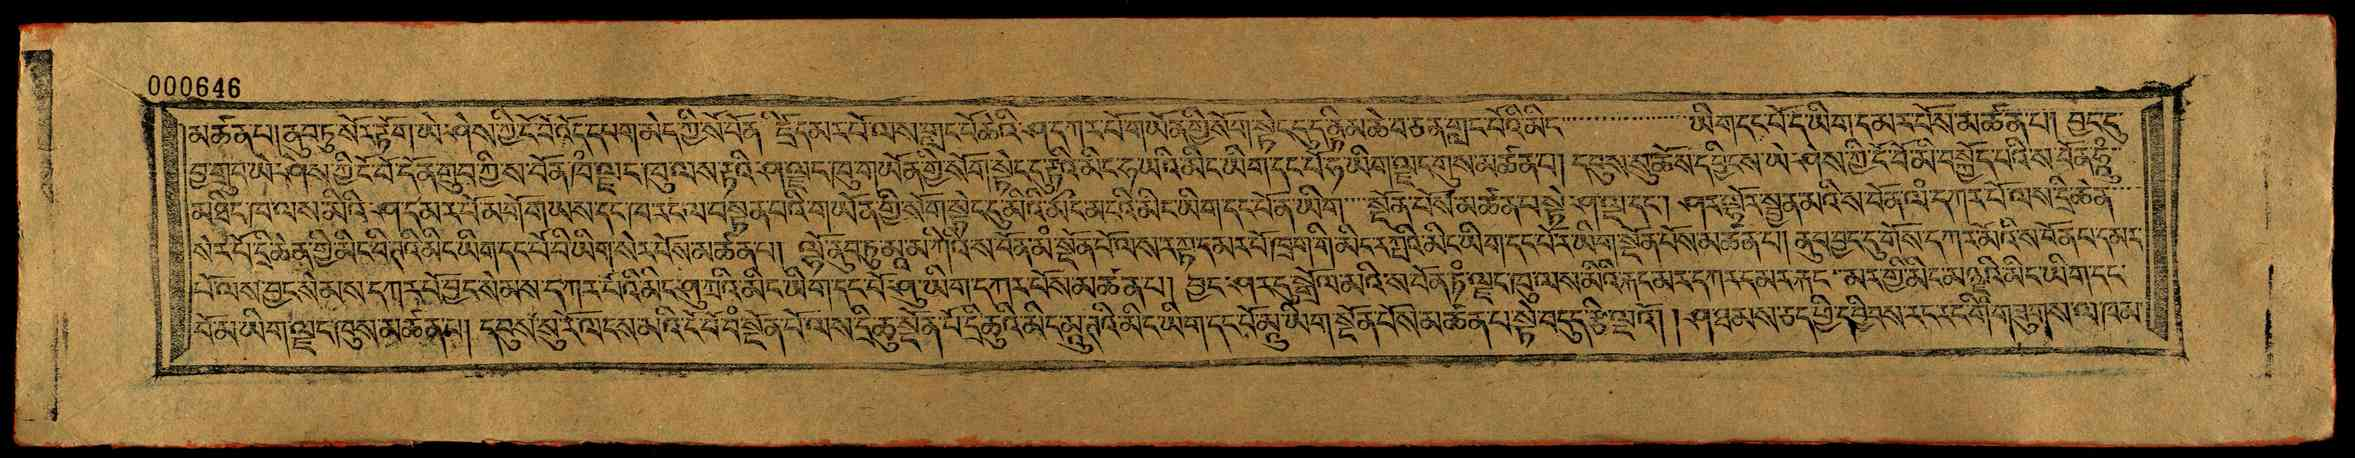མཚན་པ། ནུབ་ཏུ་སོར་རྟོག་ཡེ་ཤེས་ཀྱི་ངོ་བོ་འོད་དཔག་མེད་ཀྱི་ས་བོན་རྫྲི་དམར་པོ་ལས་གླང་པོ་ཆེའི་ཤ་དཀར་པོ་གཡོན་གྱི་སོག་སྟེང་དུ་ད་ནྟི་མཆེ་བ་ཅན་གླང་པོའི་མིང་ཡིག་དང་པོ་ད་ཡིག་དམར་པོས་མཚན་པ། བྱང་དུ་
བྱ་གྲུབ་ཡེ་ཤེས་ཀྱི་ངོ་བོ་དོན་གྲུབ་ཀྱི་ས་བོན་ཁཾ་ལྗང་ཁུ་ལས་རྟའི་ཤ་ལྗང་ཁུ་གཡོན་གྱི་སོག་སྟེང་དུ་རྟའི་མིང་ཧ་ཡའི་མིང་ཡིག་དང་པོ་ཧ་ཡིག་ལྗང་གུས་མཚན་པ། དབུས་སུ་ཆོས་དབྱིངས་ཡེ་ཤེས་ཀྱི་ངོ་བོ་མི་བསྐྱོད་པའི་ས་བོན་ཧཱུཾ་
མཐིང་ཁ་ལས་མིའི་ཤ་དམར་པོ་མགོ་གཡས་དང་ཁ་རང་ལ་བསྟན་པའི་གཡོན་གྱི་སོག་སྟེང་དུ་མིའི་མིང་ན་རའི་མིང་ཡིག་དང་པོ་ན་ཡིག་སྔོན་པོས་མཚན་པ་སྟེ་ཤ་ལྔ་དང་། ཤར་ལྷོར་སྤྱན་མའི་ས་བོན་ལཾ་དཀར་པོ་ལས་དྲི་ཆེན་
སེར་པོ་དྲི་ཆེན་གྱི་མིང་བི་ཊའི་མིང་ཡིག་དང་པོ་བི་ཡིག་སེར་པོས་མཚན་པ། ལྷོ་ནུབ་ཏུ་མཱ་མ་ཀིའི་ས་བོན་མཾ་སྔོན་པོ་ལས་རཀྟ་དམར་པོ་ཁྲག་གི་མིང་རཀྟའི་མིང་ཡིག་དང་པོར་ཡིག་སྔོན་པོས་མཚན་པ། ནུབ་བྱང་དུ་གོས་དཀར་མོའི་ས་བོན་བཾ་དམར་
པོ་ལས་བྱང་སེམས་དཀར་པོ་བྱང་སེམས་དཀར་པོའི་མིང་ཤུ་ཀྲའི་མིང་ཡིག་དང་པོ་ཤུ་ཡིག་དཀར་པོས་མཚན་པ། བྱང་ཤར་དུ་སྒྲོལ་མའི་ས་བོན་ཏཾ་ལྗང་ཁུ་ལས་མིའི་རྐང་མར་དཀར་དམར་རྐང་མར་གྱི་མིང་མཉྫུའི་མིང་ཡིག་དང་
པོ་མ་ཡིག་ལྗང་ཁུས་མཚན་པ། དབུས་སུ་རོ་ལངས་མའི་ངོ་བོ་བཾ་སྔོན་པོ་ལས་དྲི་ཆུ་སྔོན་པོ་དྲི་ཆུའི་མིང་མཱུ་ཊའི་མིང་ཡིག་དང་པོ་མཱུ་ཡིག་སྔོན་པོས་མཚན་པ་སྟེ་བདུད་རྩི་ལྔའོ། །ཤ་ཐམས་ཅད་ཕྱི་དབྱིབས་རང་རང་གི་གཟུགས་ལ་ཁམ་